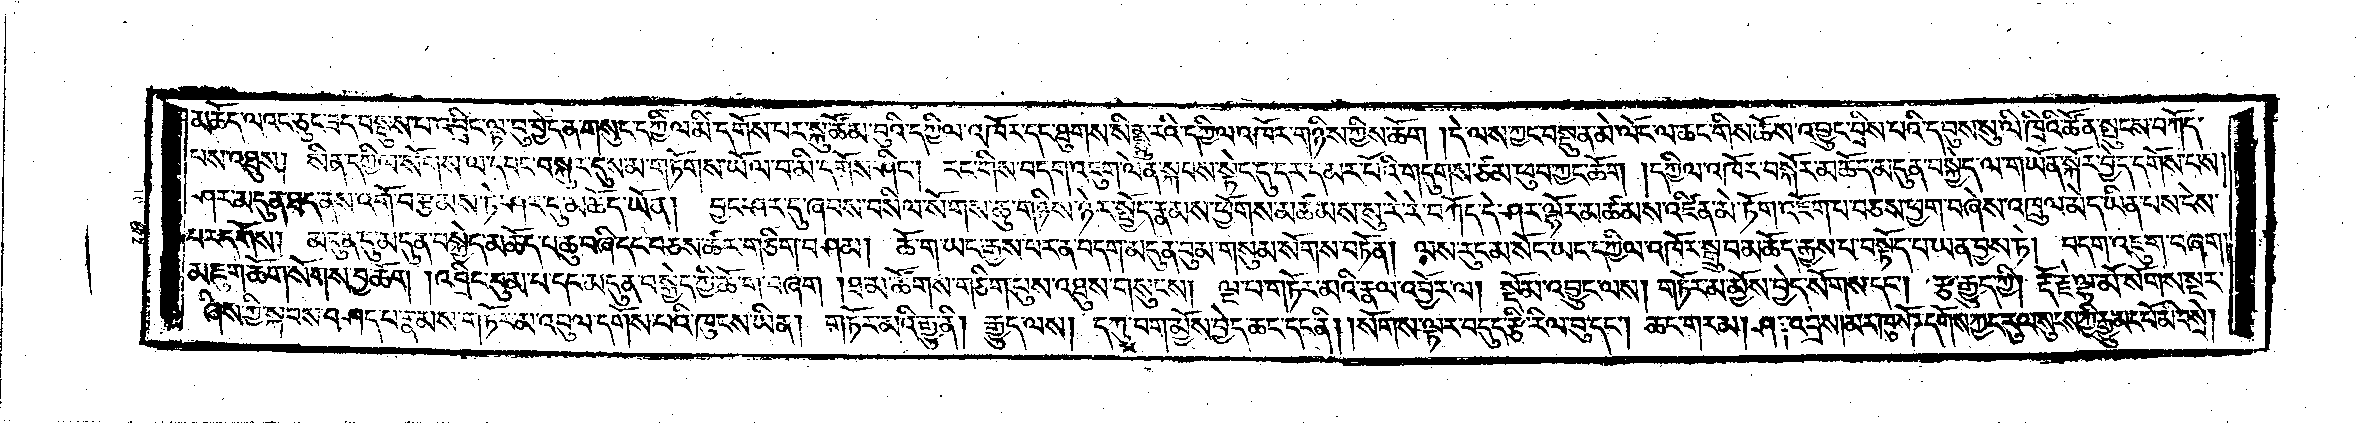མཆོད་ལའང་ཅུང་ཟད་བསྡུས་པ་འབྲིང་ལྟ་བུ་བྱེད་ན་གསུང་དཀྱིལ་མི་དགོས་པར་སྐུ་ཚོམ་བུའི་དཀྱིལ་འཁོར་དང་ཐུགས་སིནྡྷཱུ་རའི་དཀྱིལ་འཁོར་གཉིས་ཀྱིས་ཆོག །དེ་ལས་ཀྱང་བསྡུ་ན་མེ་ལོང་ལ་ཆང་གིས་ཆོས་འབྱུང་བྲིས་པའི་དབུས་སུ་ལི་ཁྲིའི་ཚོན་སྤུངས་བཀོད་
པས་འཐུས། སིན་དཀྱིལ་སོགས་ལ་དབང་བསྐུར་དུས་མ་གཏོགས་ཡོལ་བ་མི་དགོས་ཤིང་། རང་གིས་བདག་འཇུག་ལེན་སྐབས་སྟེང་དུ་དར་དམར་པོའི་གདུགས་ཙམ་ཕུབ་ཀྱང་ཆོག །དཀྱིལ་འཁོར་བསྐོར་མཆོད་མདུན་བསྐྱེད་ལ་གཡོན་སྐོར་བྱེད་དགོས་པས།
ཤར་མདུན་ཐད་ནས་འགོ་བརྩམས་ཏེ་ཤར་དུ་མཆོད་ཡོན། བྱང་ཤར་དུ་ཞབས་བསིལ་སོགས་ཆུ་གཉིས་ཉེར་སྤྱོད་རྣམས་ཕྱོགས་མཚམས་སུ་རེ་རེ་བཀོད་དེ་ཤར་ལྷོར་མཚམས་འཛིན་མེ་ཏོག་འཇོག་པ་བཅས་ཕྱག་བཞེས་འཁྲུལ་མེད་ཡིན་པས་ངེས་
པར་དགོས། །མདུན་དུ་མདུན་བསྐྱེད་མཆོད་པ་ཆུ་བཞི་དང་བཅས་ཚར་གཅིག་བཤམ། ཆོག་ཡང་རྒྱས་པར་ན་བདག་མདུན་བུམ་གསུམ་སོགས་བཏོན། ལས་རུང་མ་སོང་ཡང་དཀྱིལ་འཁོར་སྒྲུབ་མཆོད་རྒྱས་པ་བསྟོད་པ་ཡན་བྱས་ཏེ། བདག་འཇུག་བཞག །
མཇུག་ཆོག་སོགས་བྱ་ཆོག །འབྲིང་བུམ་པ་དང་མདུན་བསྐྱེད་ཀྱི་ཆོ་ག་བཞག །ཐ་མ་ཚོགས་གཅིག་པུས་འཐུས་གསུངས། ལྔ་པ་གཏོར་མའི་རྣལ་འབྱོར་ལ། སྔོ་མ་འབྱུང་ལས། གཏོར་མ་མྱོས་བྱེད་སོགས་དང་། རྩ་རྒྱུད་ཀྱི། རྡོ་རྗེ་ལྷ་མོ་སོགས་སྔགས་
ཚོགས་ཀྱི་སྐབས་བཤད་པ་རྣམས་གཏོར་མ་འབུལ་དགོས་པའི་ཁུངས་ཡིན། གཏོར་མའི་རྒྱུ་ནི། རྒྱུད་ལས། དཀུ་བག་མྱོས་བྱེད་ཆང་དང་ནི། །སོགས་ལྟར་བདུད་རྩི་རིལ་བུ་དང་། ཆང་ག་རམ། ཤ༑ འབྲས་མར་ཁུ་སོགས་དགོས་ཀྱང་རུལ་སུངས་ཀྱི་རྒྱུ་མང་པོ་མི་བསྲེ།